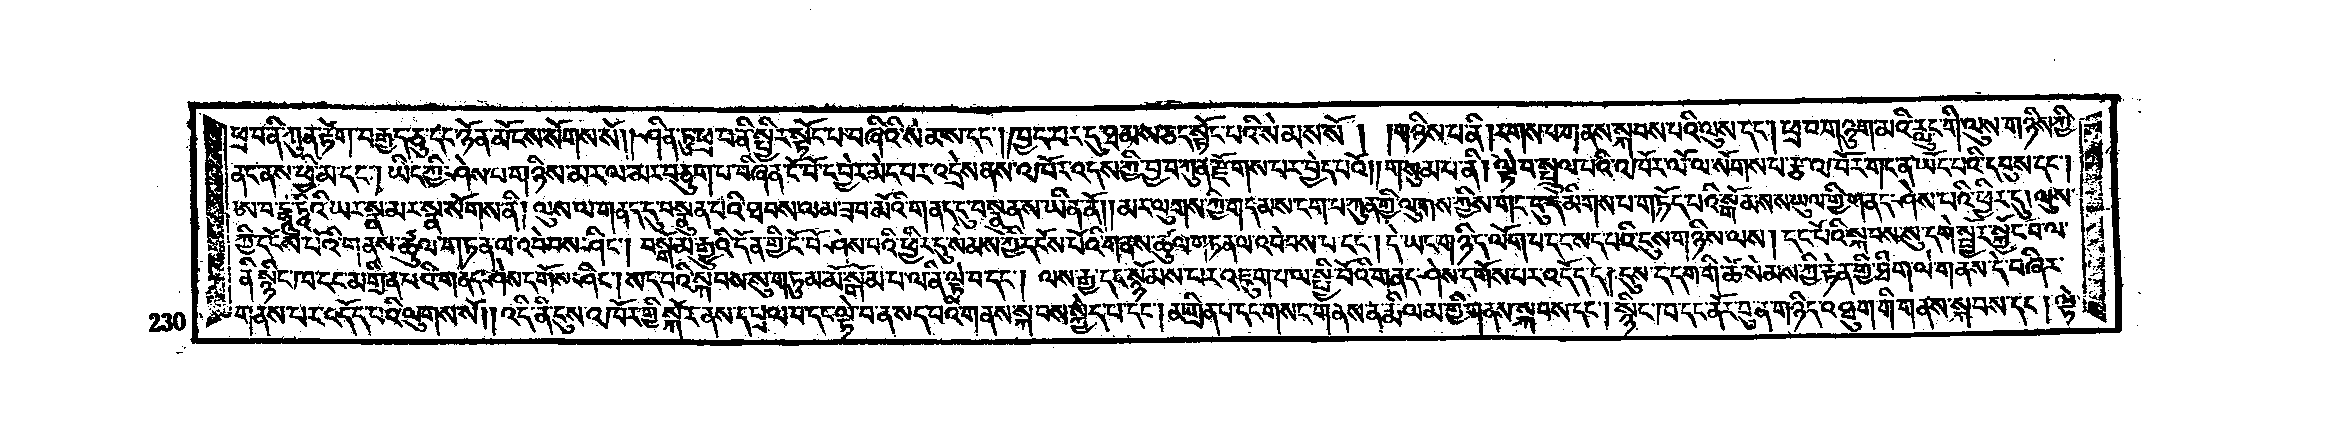ཕྲ་བ་ནི་ཀུན་རྟོག་བརྒྱད་ཅུ་དང་ཉོན་མོངས་སོགས་སོ། །ཤིན་ཏུ་ཕྲ་བ་ནི་སྤྱིར་སྟོང་པ་བཞིའི་སེམས་དང་། ཁྱད་པར་དུ་ཐམས་ཅད་སྟོང་པའི་སེམས་སོ། །གཉིས་པ་ནི། རགས་པ་གནས་སྐབས་པའི་ལུས་དང་། ཕྲ་བ་གཉུག་མའི་རླུང་གི་ལུས་གཉིས་ཀྱི་
ནང་ནས་ཕྱི་མ་དང་། ཡིད་ཀྱི་ཤེས་པ་གཉིས་མར་ལ་མར་བཅུག་པ་བཞིན་ངོ་བོ་དབྱེར་མེད་པར་འདྲེས་ནས་འཁོར་འདས་ཀྱི་བྱ་བ་ཀུན་རྫོགས་པར་བྱེད་པའོ། །གསུམ་པ་ནི། ལྟེ་བ་སྤྲུལ་པའི་འཁོར་ལོ་ལ་སོགས་པ་རྩ་འཁོར་གང་ན་ཡོད་པའི་དབུས་དང་།
ཨ་བ་དྷཱུ་ཏཱིའི་ཡར་སྣ་མར་སྣ་སོགས་ནི། ལུས་ལ་གནད་དུ་བསྣུན་པའི་ཐབས་ལམ་ཟབ་མོའི་གནད་དུ་བསྣུན་ས་ཡིན་ནོ། །མར་ལུགས་ཀྱི་གདམས་ངག་པ་ཀུན་གྱི་ལུགས་ཀྱིས་གང་དུ་དམིགས་པ་གཏོད་པའི་སྒོམས་ས་ཡུལ་གྱི་གནད་ཤེས་པའི་ཕྱིར་དུ། ལུས་
ཀྱི་དངོས་པོའི་གནས་ཚུལ་གཏན་ལ་འབེབས་ཤིང་། བསྒོམ་རྒྱུའི་དོན་གྱི་ངོ་བོ་ཤེས་པའི་ཕྱིར་དུ་སེམས་ཀྱི་དངོས་པོའི་གནས་ཚུལ་གཏན་ལ་འབེབས་པ་དང་། དེ་ཡང་གཉིད་ལོག་པ་དང་སད་པའི་དུས་གཉིས་ལས། དང་པོའི་སྐབས་སུ་དགེ་སྦྱོར་སྐྱོང་བ་ལ་
ནི་སྙིང་ཁ་དང་མགྲིན་པའི་གནད་ཤེས་དགོས་ཤིང་། སད་པའི་སྐབས་སུ་གཏུམ་མོ་སྒོམ་པ་ལ་ནི་ལྟེ་བ་དང་། ལས་རྒྱ་དང་སྙོམས་པར་འཇུག་པ་ལ་སྤྱི་བོའི་གནད་ཤེས་དགོས་པར་འདོད་དེ། དུས་དེ་དག་གི་ཚེ་སེམས་ཀྱི་རྟེན་གྱི་ཐིག་ལེ་གནས་དེ་བཞིར་
གནས་པར་འདོད་པའི་ལུགས་སོ། །འདི་ནི་དུས་འཁོར་གྱི་སྐོར་ནས་དཔྲལ་བ་དང་ལྟེ་བ་ན་སད་པའི་གནས་སྐབས་སྐྱེད་པ་དང་། མགྲིན་པ་དང་གསང་གནས་ན་རྨི་ལམ་གྱི་གནས་སྐབས་དང་། སྙིང་ཁ་དང་ནོར་བུ་ན་གཉིད་འཐུག་གི་གནས་སྐབས་དང་། ལྟེ་